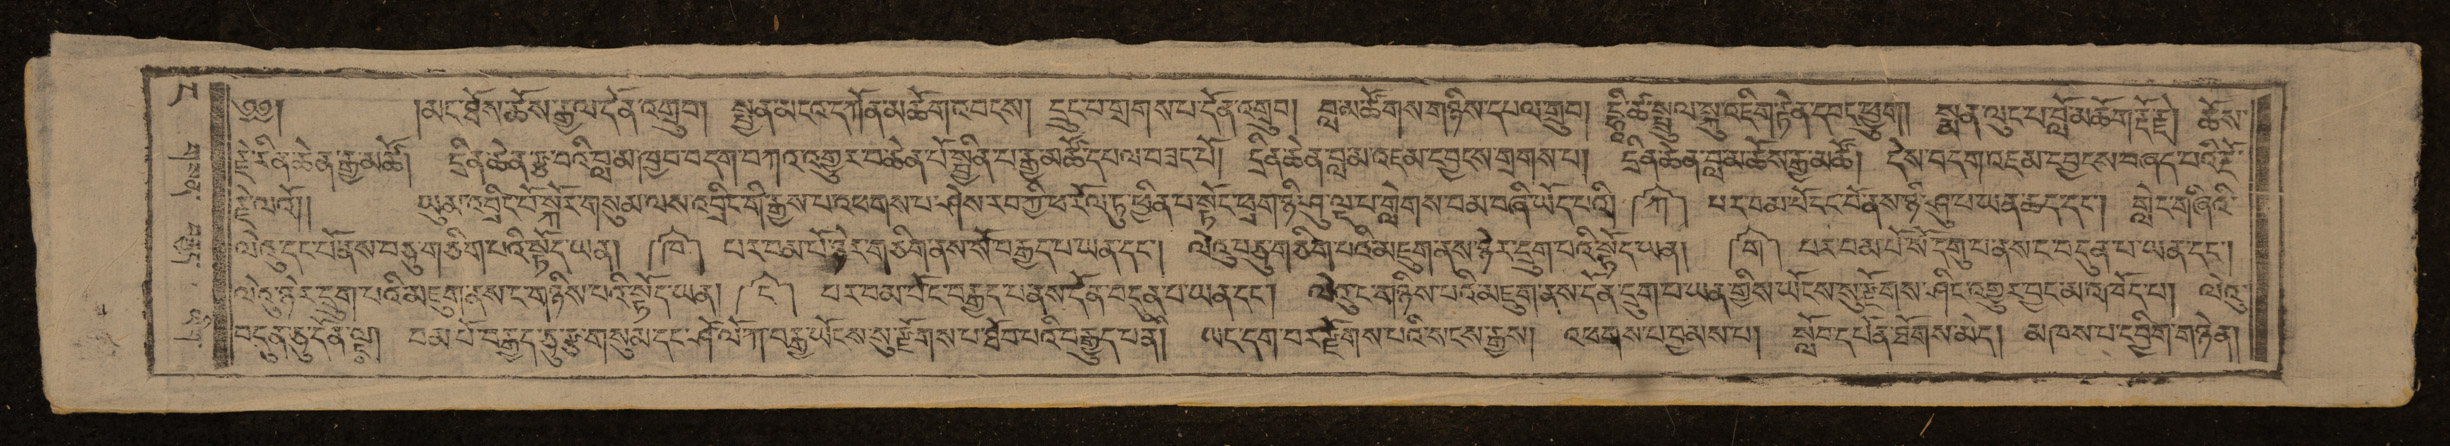༄༅། །མང་ཐོས་ཆོས་རྒྱལ་དོན་འགྲུབ། སྦྱན་མངའ་དཀོན་མཆོག་བ་བྔས། དྲུང་བགྲགས་པ་དོན་འགྲུབ། བླ་མཚོགས་གཉིས་དཔལ་གྲུབ། དྷཱི་ཚ་སྤྲུལ་སྐུ་འཇིག་རྟེན་དབང་ཕྱུག། སྨན་ལུང་པ་བློ་མཆོག་རྡོ་རྗེ། ཆོས་
རྗེ་རིན་ཆེན་རྒྱ་མཚོ། དྲིན་ཆེན་རྩ་བའི་བླ་མ་ཁྱབ་བདག་བཀའ་འགྱུར་བ་ཆེན་པོ་སྦྱིན་པ་རྒྱ་མཚོ་དཔལ་བཟང་པོ། དྲིན་ཆེན་བླ་མ་འཇམ་དབྱངས་གྲགས་པ། དྲིན་ཆེན་བླ་མཆོས་རྒྱ་མཚོ། དེས་བདག་འཇམ་དབྱངས་བཞད་པའི་རྡོ་
རྗེ་ལའོ། ཡུལ་འབྲིང་བོ་སྐོར་གསུམ་ལས་འབྲིང་གི་རྒྱས་པ་འཕགས་པ་ཤེས་རབ་གྱི་ཕ་རོལ་ཏུ་ཕྱིན་པ་སྟོང་ཕྲག་ཉི་ཤུ་ལྔ་བ་གླེགས་བམ་བཞི་ཡོད་པའི། {ཀ}་བར་བམ་བོ་དང་པོ་ནས་ཉི་ཤུ་པ་ཡན་ཆད་དང་། གླེང་གཞིའི་
ལེའུ།། དང་བོ་ནས་བཅུ་གཅིག་པའི་སྟོད་ཡན། {ཁ}་བར་བམ་པོ་ཉེར་གཅིག་ནས་སོ་བརྒྱད་པ་ཡན་དང་། ལེའུ་བཅུ་གཅིག་པའི་མཇུག་ནས་ཞེར་དྲུག་པའི་སྟོད་ཡན། {ག}་བར་བམ་བོ་སོ་དགུ་པ་ནས་ང་བདུན་པ་ཡན་དང་།
ལེའུ་ཉེར་དྲུག་པའི་མཇུག་ནས་ང་གཉིས་པའི་སྟོད་ཡན། {ང}་བར་བམ་བོང་བརྒྱད་པ་ནས་དོན་བདུན་པ་ཡན་དང་། ལེའུ་ང་གཉིས་པའི་མཇུག་ནས་དོན་དྲུག་པ་ཡན་གྱིས་ཡོངས་སུ་རྫོགས་ཤིང་འགྱུར་བྱང་མ་འཁོད་པ། ལེའུ་
བདུན་ཅུ་དོན་ལྔ། བམ་བོ་བརྒྱད་ཅུ་རྩ་གསུམ་དང་ཤོ་ལོ་ཀ་བརྒྱ་ཡོངས་སུ་རྫོགས་པ་ཐོབ་པའི་བརྒྱུད་པ་ནི། ཡང་དག་པར་རྫོགས་པའི་སངས་རྒྱས། འཕགས་པ་བྱམས་པ། སློབ་དཔོན་ཐོགས་མེད། མཁས་པ་དབྱིག་གཉེན།